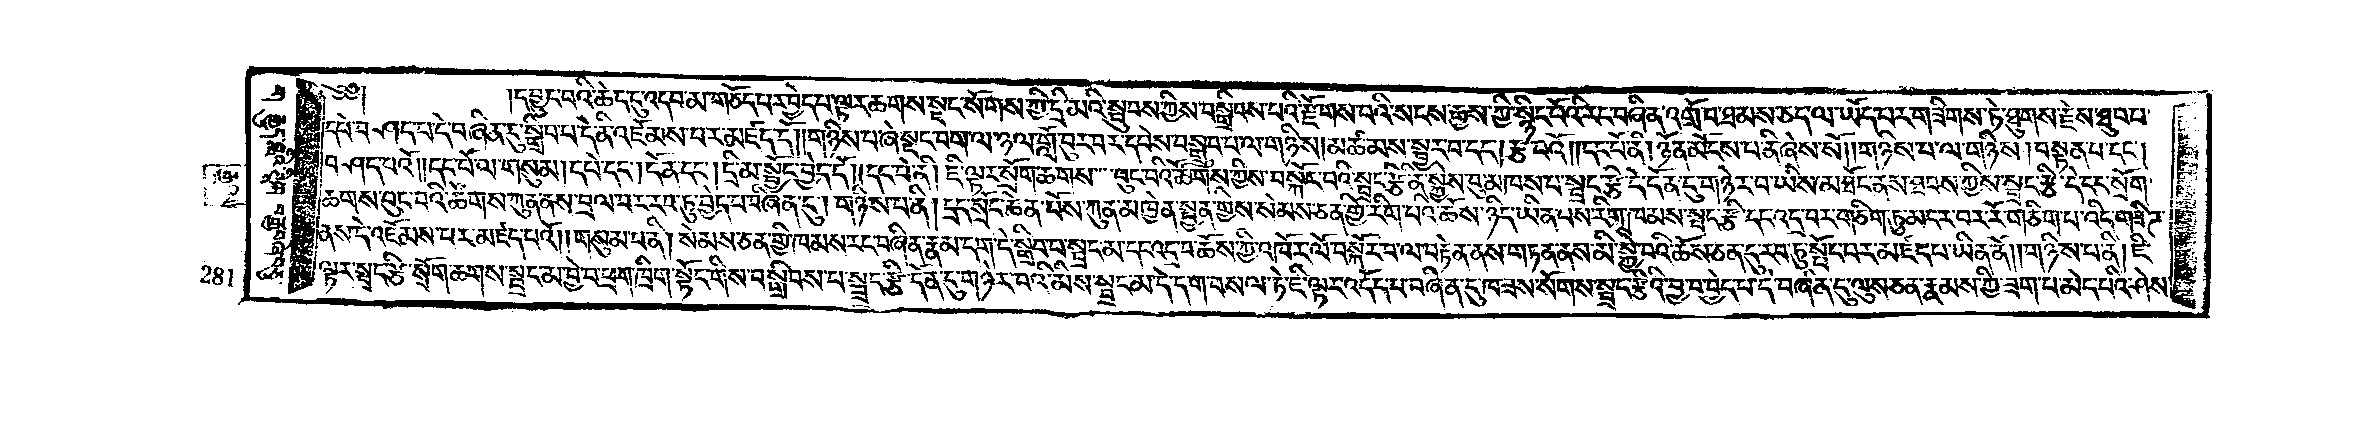༄༅། །དབྱུང་བའི་ཆེད་དུ་འདབ་མ་གཅོད་པར་བྱེད་པ་ལྟར་ཆགས་སྡང་སོགས་ཀྱི་དྲི་མའི་སྦུབས་ཀྱིས་བསྒྲིབས་པའི་རྫོགས་པའི་སངས་རྒྱས་ཀྱི་སྙིང་པོའི་རང་བཞིན་འགྲོ་བ་ཐམས་ཅད་ལ་ཡོད་པར་གཟིགས་ཏེ་ཐུགས་རྗེས་ཐུབ་པ་
དཔེ་བཤད་པ་དེ་བཞིན་དུ་སྒྲིབ་པ་དེ་ནི་འཛེམས་པར་མཛད་དོ། །གཉིས་པ་ཞེས་སྡང་བག་ལ་ཉལ་གློ་བུར་བར་དཔེས་བསྒྲུབ་པ་ལ་གཉིས། མཚམས་སྦྱར་བ་དང་། རྩ་བའོ། །དང་པོ་ནི། ཉོན་མོངས་པ་ནི་ཞེས་སོ། །གཉིས་པ་ལ་གཉིས། བསྟན་པ་དང་།
བཤད་པའོ། །དང་པོ་ལ་གསུམ། དཔེ་དང་དོན་དང་། དྲི་མ་སྦྱོང་བྱེད་དོ། །དང་པོ་ནི། ཇི་ལྟར་སྲོག་ཆགས་བུང་བའི་ཚོགས་ཀྱིས་བསྐོར་བའི་སྦྲང་རྩི་ནི་སྐྱེས་བུ་མཁས་པ་སྦྲང་རྩི་དེ་དོན་དུ་གཉེར་བ་ཡིས་མཐོང་ནས་ཐབས་ཀྱིས་སྦྲང་རྩི་དེ་དང་སྲོག་
ཆགས་བུང་བའི་ཚོགས་ཀུན་ནས་བྲལ་བར་རབ་ཏུ་བྱེད་པ་བཞིན་དུ། གཉིས་པ་ནི། དྲང་སྲོང་ཆེན་པོས་ཀུན་མཁྱེན་སྤྱན་གྱིས་སེམས་ཅན་གྱི་རིག་པའི་ཆོས་ཉིད་ཡིན་པས་རིག་ཁམས་སྤང་རྩི་དང་འདྲ་བར་གཅིག་ཏུ་མངར་བར་རོ་གཅིག་པ་འདི་གཟིགས་
ནས་དེ་འཇོམས་པར་མཛད་པའོ། །གསུམ་པ་ནི། སེམས་ཅན་གྱི་ཁམས་རང་བཞིན་རྣམ་དག་དེ་སྒྲིབ་པ་སྦྲང་མ་དང་འདྲ་བ་ཆོས་ཀྱི་འཁོར་ལོ་བསྐོར་བ་ལ་བརྟེན་ནས་གཏན་ནས་མི་སྐྱེ་བའི་ཆོས་ཅན་དུ་རབ་ཏུ་སྤོང་བར་མཛད་པ་ཡིན་ནོ། །གཉིས་པ་ནི། ཇི་
ལྟར་སྦྲང་རྩི་སྲོག་ཆགས་སྦྲང་མ་བྱེ་བ་ཕྲག་ཁྲིག་སྟོང་གིས་བསྒྲིབས་པ་སྦྲང་རྩི་དོན་དུ་གཉེར་བའི་མིས་སྦྲང་མ་དེ་དག་བསལ་ཏེ་ཇི་ལྟར་འདོད་པ་བཞིན་དུ་ཁ་ཟས་སོགས་སྦྲང་རྩིའི་བྱ་བ་བྱེད་པ་དེ་བཞིན་དུ་ལུས་ཅན་རྣམས་ཀྱི་ཟག་པ་མེད་པའི་ཤེས་